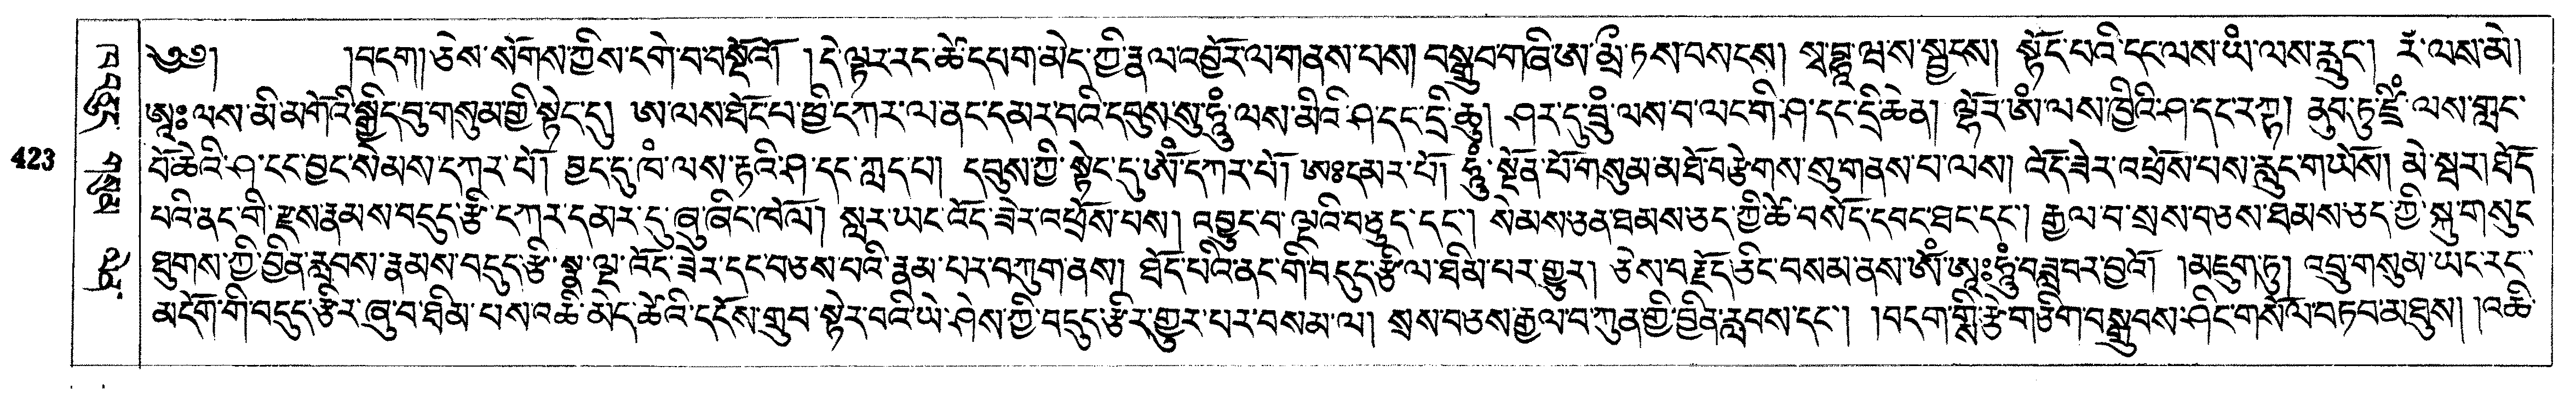༄༅། །བདག །ཅེས་སོགས་ཀྱིས་དགེ་བ་བསྔོའོ། །དེ་ལྟར་རང་ཚེ་དཔག་མེད་ཀྱི་རྣལ་འབྱོར་ལ་གནས་པས། སྒྲུབ་གཞི་ཨྀ་མྲ་ཏས་བསངས། སྭ་བྷཱ་ཝ་ས་སྦྱངས། སྟོང་པའི་ངང་ལས་ཡཾ་ལས་རླུང་། རཾ་ལས་མེ།
ཨཱཿ ལས་མི་མགོའི་སྒྱིད་བུ་གསུམ་གྱི་སྟེང་དུ། ཨ་ལས་ཐོང་པ་ཕྱི་དཀར་ལ་ནང་དམར་བའི་དབུས་སུ་ཧཱུཾ་ལས་མིའི་ཤ་དང་དྲི་ཆུ། ཤར་དུ་བྲུཾ་ལས་བ་ལང་གི་ཤ་དང་དྲི་ཆེན། ལྷོར་ཨཾ་ལས་ཁྱིའི་ཤ་དང་རཀྟ། ནུབ་ཏུ་ཛྲིཾ་ལས་གླང་
པོ་ཆེའི་ཤ་ངང་བྱང་སེམས་དཀར་པོ། བྱང་དུ་ཁཾ་ལས་རྟའི་ཤ་དང་ཀླད་པ། དབུས་ཀྱི་སྟེང་དུ་ཨོཾ་དཀར་པོ། ཨཿ དམར་པོ། ཧཱུཾ་སྔོན་པོ་གསུམ་མཐོ་བརྩེགས་སུ་གནས་པ་ལས། འོད་ཟེར་འཕྲོས་པས་རླུང་གཡོས། མེ་སྦར། ཐོད་
པའི་ནང་གི་རྫས་རྣམས་བདུད་རྩི་དཀར་དམར་དུ་ཞུ་ཞིང་ཁོལ། སླར་ཡང་འོད་ཟེར་འཕྲོས་པས། འབྱུང་བ་ལྔའི་བཅུད་དང་། སེམས་ཅན་ཐམས་ཅད་ཀྱི་ཚེ་བསོད་དབང་ཐང་དང་། རྒྱལ་བ་སྲས་བཅས་ཐམས་ཅད་ཀྱི་སྐུ་གསུང་
ཐུགས་ཀྱི་བྱིན་རླབས་རྣམས་བདུད་རྩི་སྣ་ལྔ་འོད་ཟེར་དང་བཅས་པའི་རྣམ་པར་བཀུག་ནས། ཐོད་པའི་ནང་གི་བདུད་རྩི་ལ་ཐིམ་པར་གྱུར། ཅེས་བརྗོད་ཅིང་བསམ་ནས་ཨོཾ་ཨཱཿ ཧཱུཾ་བཟླ་བར་བྱའོ། །མཇུག་ཏུ། འབྲུ་གསུམ་ཡང་རང་
མདོག་གི་བདུད་རྩིར་ཞུ་བ་ཐིམ་པས་འཆི་མེད་ཚེའི་དངོས་གྲུབ་སྟེར་བའི་ཡེ་ཤེས་ཀྱི་བདུད་རྩིར་གྱུར་པར་བསམ་ལ། སྲས་བཅས་རྒྱལ་བ་ཀུན་གྱི་བྱིན་རླབས་དང་། །བདག་གིས་རྩེ་གཅིག་བསྒྲུབས་ཤིང་གསོལ་བཏབ་མཐུས། །འཆི་